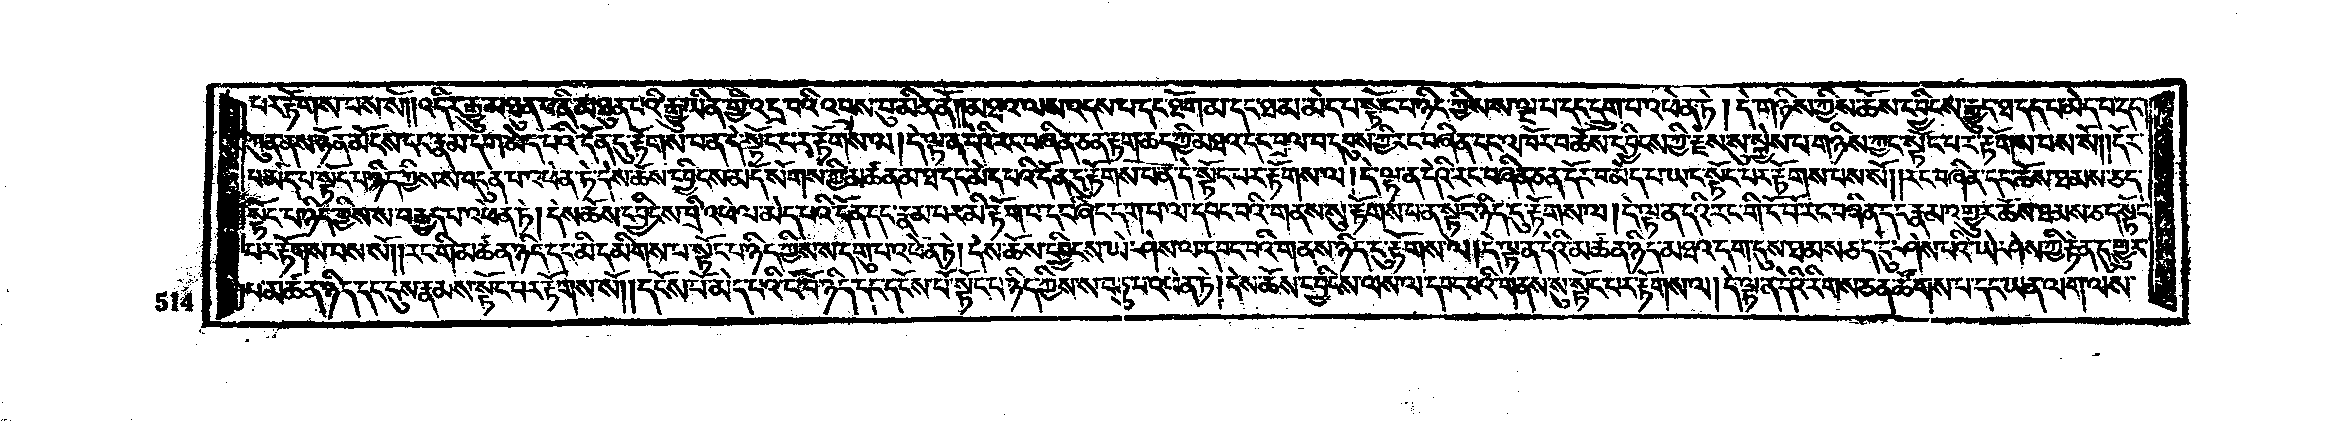པར་རྟོགས་པས་སོ། །འདིར་རྒྱུ་མཐུན་པ་ནི་མཐུན་པའི་རྒྱུ་ཡིན་གྱི་འདྲ་བའི་འབྲས་བུ་མིན་ནོ། །མཐའ་ལས་འདས་པ་དང་ཐོག་མ་དང་ཐ་མ་མེད་པ་སྟོང་པ་ཉིད་ཀྱིས་ས་ལྔ་པ་དང་དག་པ་འཕེན་ཏེ། དེ་གཉིས་ཀྱིས་ཆོས་དབྱིངས་རྒྱུད་ཐ་དད་པ་མེད་པ་དང་།
ཀུན་ནས་ཉོན་མོངས་དང་རྣམ་དག་མེད་པའི་དོན་དུ་རྟོགས་པ་ན་དེ་སྟོང་པར་རྟོགས་ལ། དེ་ལྟ་ན་དེའི་རང་བཞིན་ཅན་རྟག་ཆད་ཀྱི་མཐའ་དང་བྲལ་བ་དབུས་ཀྱི་རང་བཞིན་དང་འཁོར་བ་ཆོས་དབྱིངས་ཀྱི་རྗེས་སུ་སྐྱེས་པ་གཉིས་ཀྱང་སྟོང་པར་རྟོགས་པས་སོ། །དོར་
པ་མེད་པ་སྟོང་པ་ཉིད་ཀྱིས་ས་བདུན་པ་འཕེན་ཏེ་དེས་ཆོས་དབྱིངས་མདོ་སོགས་ཀྱི་མཚན་མ་ཐ་དད་མེད་པའི་དོན་དུ་རྟོགས་པ་ན་དེ་སྟོང་པར་རྟོགས་ལ། དེ་ལྟ་ན་དེའི་རང་བཞིན་ཅན་དོར་བ་མེད་པ་ཡང་སྟོང་པར་རྟོགས་པས་སོ། །རང་བཞིན་དང་ཆོས་ཐམས་ཅད་
སྟོང་པ་ཉིད་ཀྱིས་ས་བརྒྱད་པ་འཕེན་ཏེ། དེས་ཆོས་དབྱིངས་བྲི་འཕེལ་མེད་པའི་དོན་དང་རྣམ་པར་མི་རྟོག་པ་དང་ཞིང་དག་པ་ལ་དབང་བའི་གནས་སུ་རྟོགས་པ་ན་སྟོང་ཉིད་དུ་རྟོགས་ལ། དེ་ལྟ་ན་དའི་རང་གི་ངོ་བོ་རང་བཞིན་དང་རྣམ་འགྱུར་ཆོས་ཐམས་ཅད་སྟོང་
པར་རྟོགས་པས་སོ། །རང་གི་མཚན་ཉིད་དང་མི་དམིགས་པ་སྟོང་པ་ཉིད་ཀྱིས་ས་དགུ་པ་འཕེན་ཏེ། དེས་ཆོས་དབྱིངས་ཡེ་ཤེས་ལ་དབང་བའི་གནས་ཉིད་དུ་རྟོགས་ལ། དེ་ལྟ་ན་དེའི་མཚན་ཉིད་མཐའ་དག་དུས་ཐམས་ཅད་དུ་ཤེས་པའི་ཡེ་ཤེས་ཀྱི་རྟེན་དུ་གྱུར་
པ་མཚན་ཉིད་དང་དུས་རྣམས་སྟོང་པར་རྟོགས་སོ། །དངོས་པོ་མེད་པའི་ངོ་བོ་ཉིད་དང་དངོས་པོ་སྟོང་པ་ཉིད་ཀྱིས་ས་བཅུ་པ་འཕེན་ཏེ། དེས་ཆོས་དབྱིངས་ལས་ལ་དབང་བའི་གནས་སུ་སྟོང་པར་རྟོགས་ལ། དེ་ལྟ་ན་དེའི་རིགས་ཅན་ཚོགས་པ་དང་ཡན་ལག་ལས་